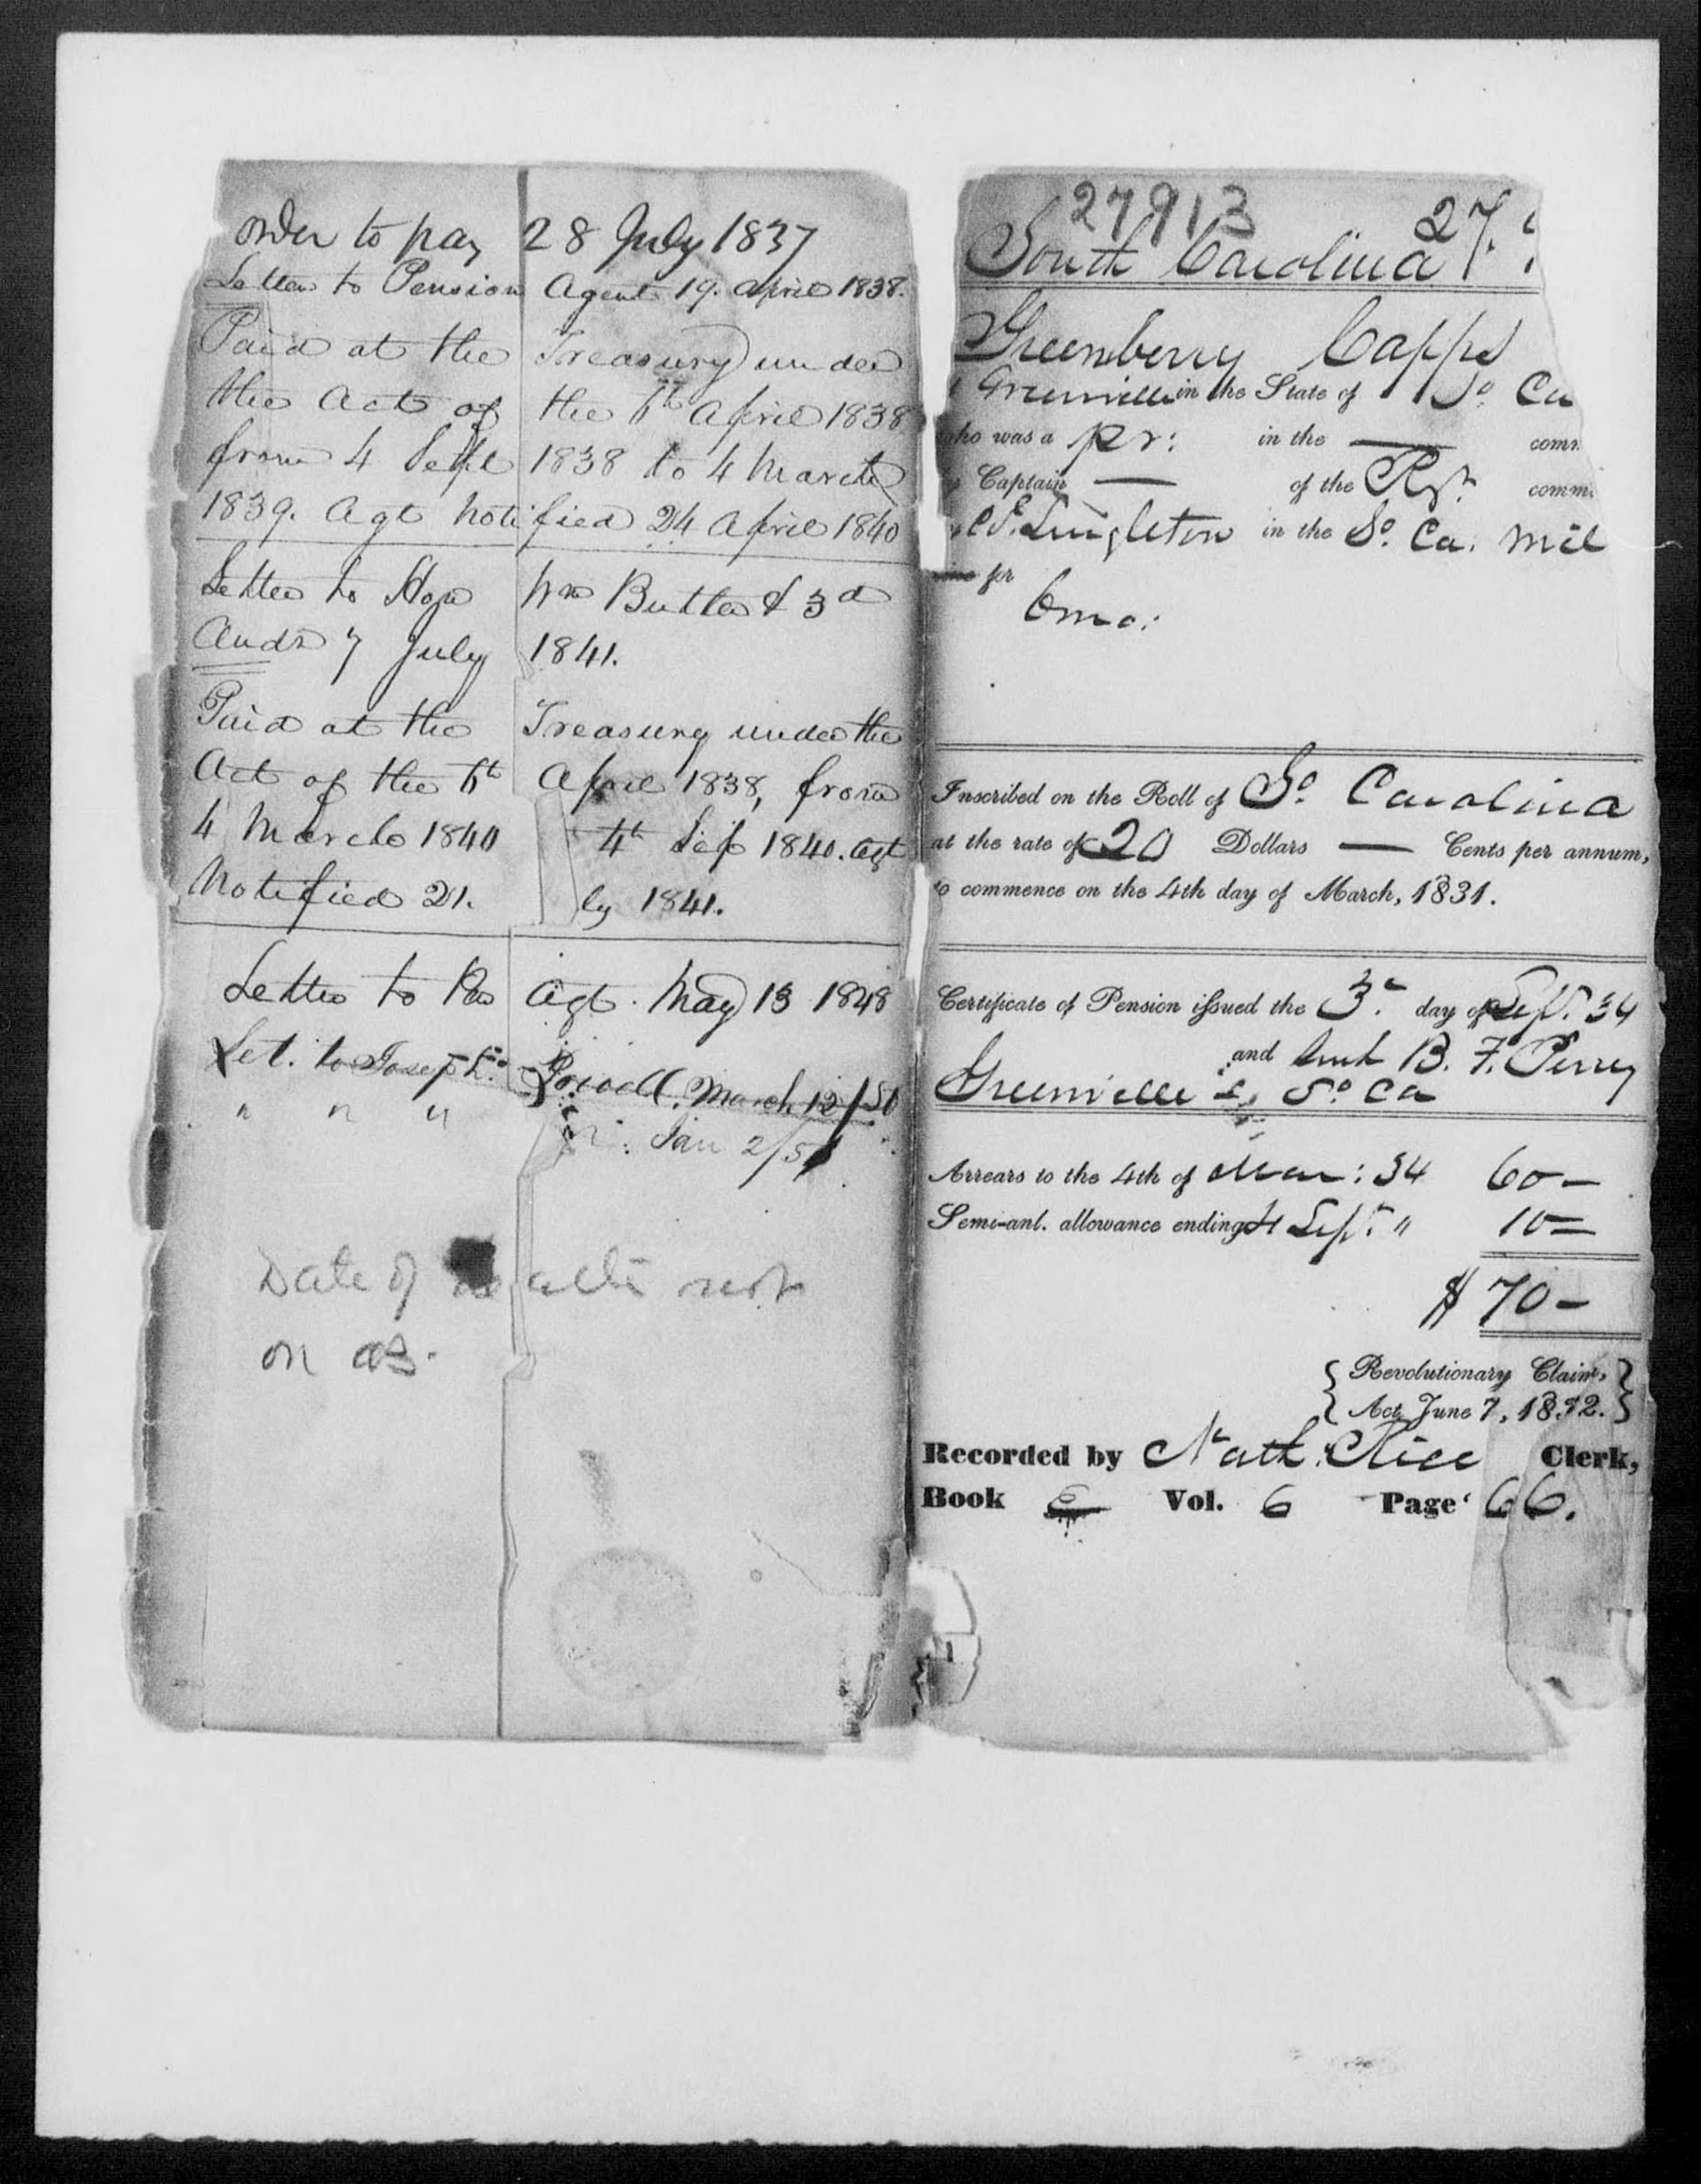order to pay 28 July 1837 27913 27. [ineligible]
South Carolina
Letter to Pension Agent 19 April 1838.
Paid at the Treasury under 
the act of 6th April 1838.
from 4 Sept 1838
the 6th April 1838 ┃
to 4 March
1839. Agt Notified 24 April 1840
Letter to Hon Wm Butte & 3d
And 7 July 1841.
Paid at the Treasury under the
Act of the 6th April 1838, from
4 March 1840 4th Sep 1840.
Agt notified 21 by 1841.
Letter to [illegible] Agt May 13 1848
Let. to Joseph L. Powell, March 12 1850
Jan 2 1851
Date of  [ineligible]
on [ineligible]

Greenberry
Capps
in the Greenville in the State of
who was a pr: in the 
by Captain of the Regt
S. Singleton in the So. Ca. [ineligible]

Inscribed on the Roll of So. Carolina
at the rate of 20 Dollars - Cents per annum,
to commence on the 4th day of March, 1831.
Certificate of Pension issued the 3 day of Sep. 39
and [ineligible] B. F. Perry
Greenville So. Ca
Arrears to the 4th of Mar. 34 1860-
Semi-anl. allowance ending 4 Sept "
1910 -
$70-
Revolutionary Claim
Act June 7, 1832
Recorded by Nath.
Rice Clerk,
Book E
Vol. 6 Page 66.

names: Nath Rice, Greenberry Capps, Singleton, B F Perry, Wm Butler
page: 2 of 26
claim: survivor's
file: S. 21105, Greenbery Caps, S.C.